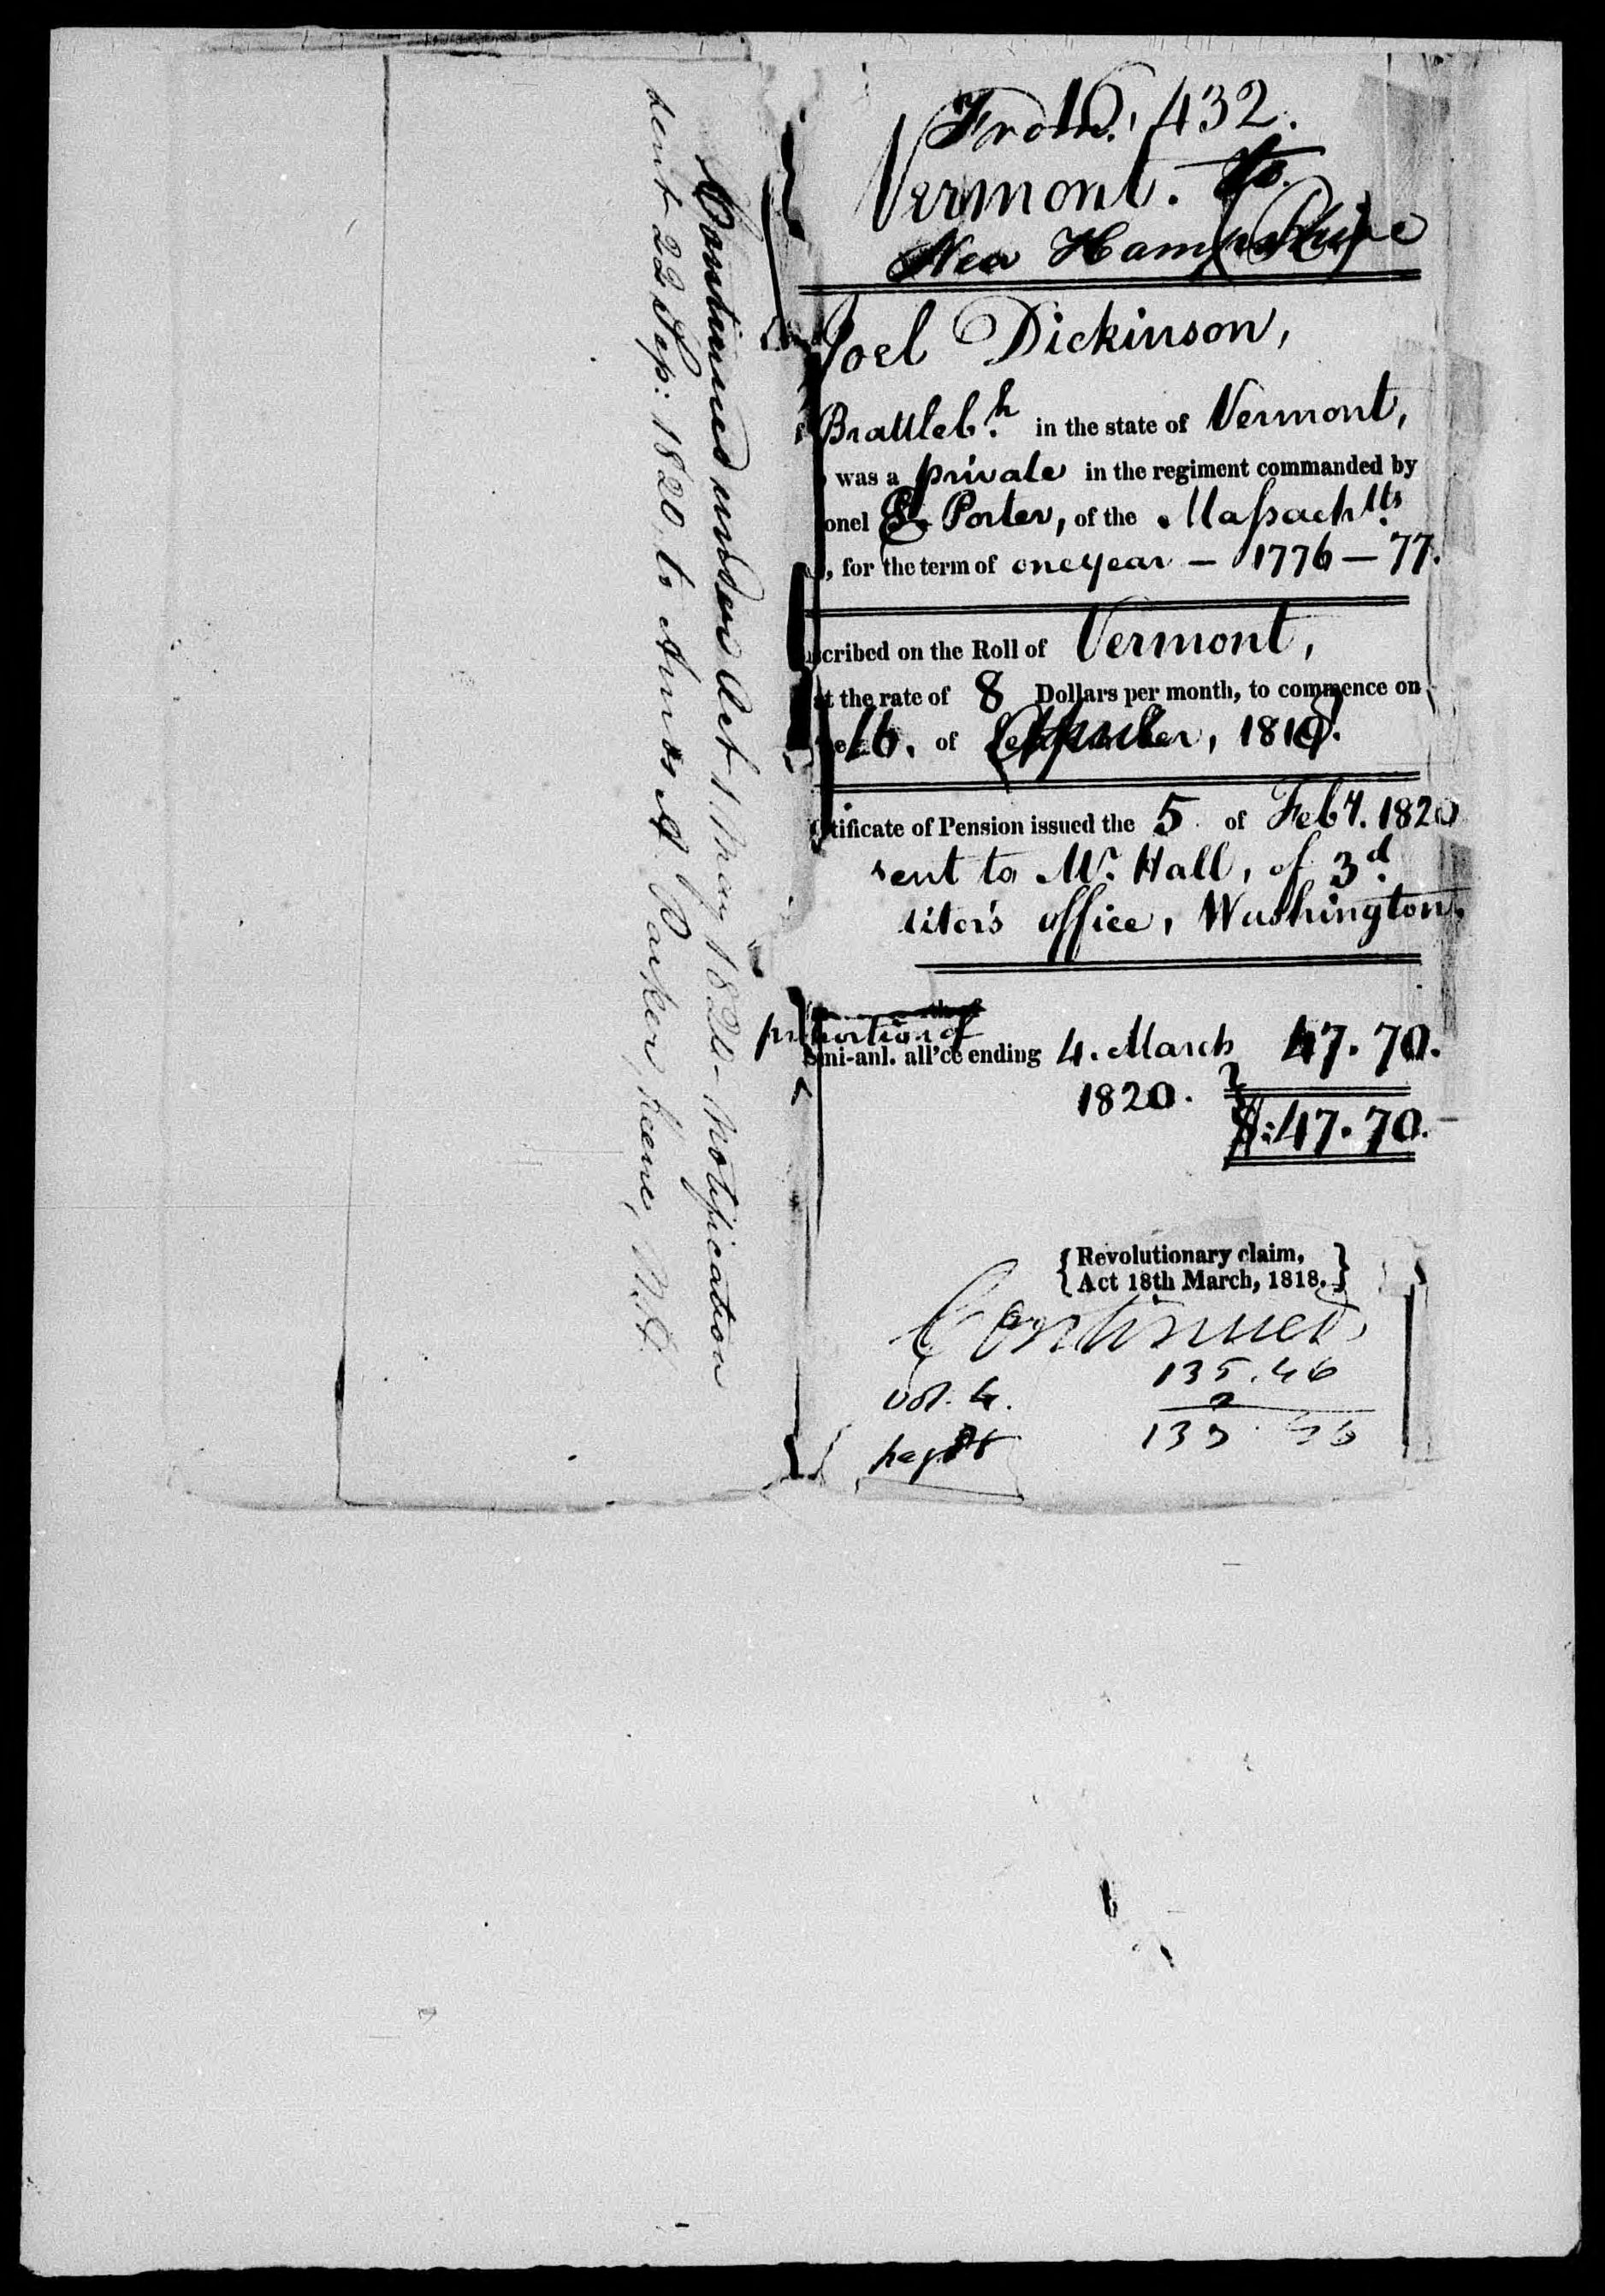[Left side of page]
Continued under Act 1 May 1820 - Notification
sent 22 Sep: 1820 to Amos A. Parker, Keene, N.H.

[Rest of document]
16,432.
From.
Vermont. to.
New Hampshire
=================
Joel Dickinson,
Brattleboro in the State of Vermont,
[he] was a private in the regiment commanded by
[Col]onel E Porter, of the Massach[use]tts
[word cut off], for the term of one year - 1776 - 77.
=================
[De]scribed on the Roll of Vermont,
at the rate of 8 Dollars per month, to commence on
[word cut off]ne 16, of March [written over "September"], 1818 ["8" of "1818" written over "9"].
=================
[Cer]tificate of Pension issued the 5 of Feb 7. 1820
sent to W. Hall, of 3d.
[Solli]citor's office, Washington,
=================
proportion of
[se]mi-annual. allowance ending 4. March 47.70.
1820. ==========
$:47.70
==============
{Revolutionary claim,}
{Act 18th March, 1818.}
Continued
135.46
2
________
137.46

Volume 4.
September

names: Joel Dickinson, Hall, E Porter, Amos A Parker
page: 3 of 31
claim: widow's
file: W. 22946, Joel Dickinson, Mass.